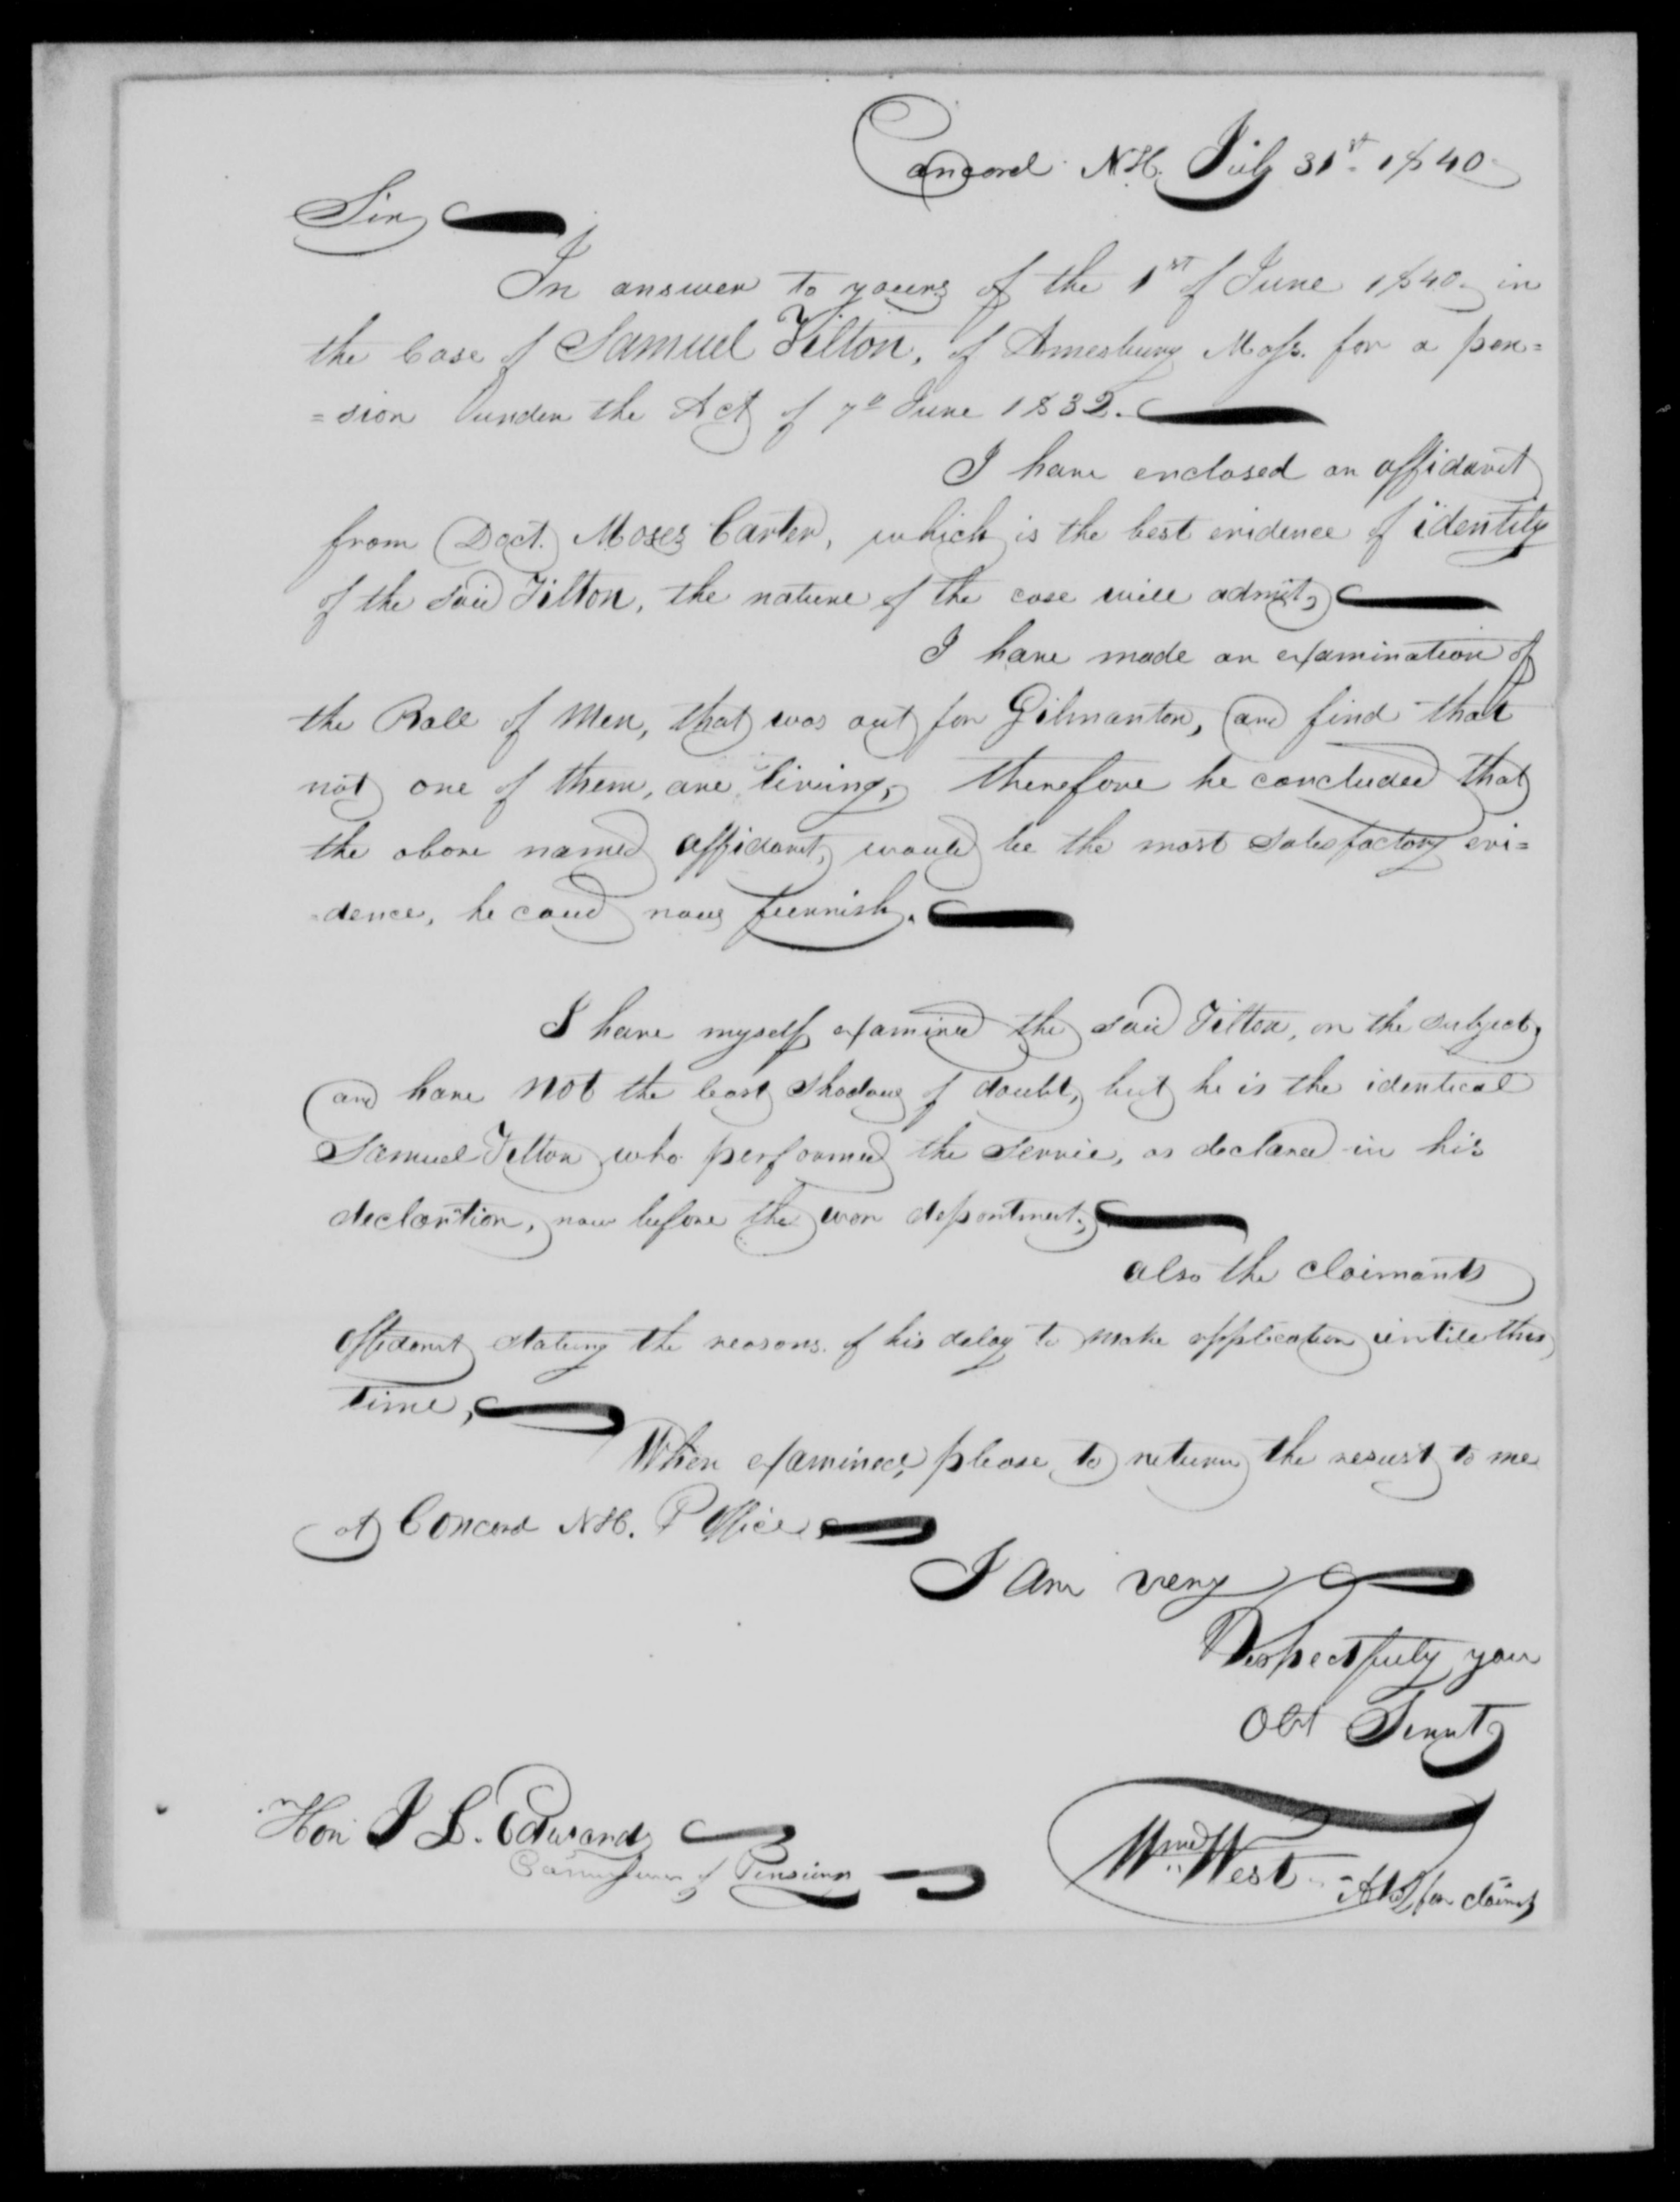Concord N H July 31st 1840
Sir
In answer to yours of the 1st of June 1840, in the case of Samuel Tilton, of Amesbury Mass for a pension under the Act of 7th June 1832.
I have enclosed an affidavit from Doct. Moses Carter, which is the best evidence of identity of the said Tilton, the nature of the case will admit,
I have made an examination of the Roll of Men, that was out for Gilmanton, and find that not one of them, are living, therefore he concluded that the above named affidavit, would be the most satisfactory evidence, he can
now furnish
I have myself examined the said Tilton, on the subject
and have not the least shadow of doubt, but he is the identical Samuel Tilton who performed the service, as declared in his declaration, now before the war department,
also the claimants affidavit stating the reasons of his delay to make application until this time, when examined please to return the result to me
at Concord NH. P [Post] Office
I am very
Respectfully your
Obt [Obedient] Servant
Wm West [illegible] for claims
Hon J L Edwards
Commissioner of Pensions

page: 27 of 55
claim: widow's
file: W. 14,021, for Samuel Tilton, New Hampshire